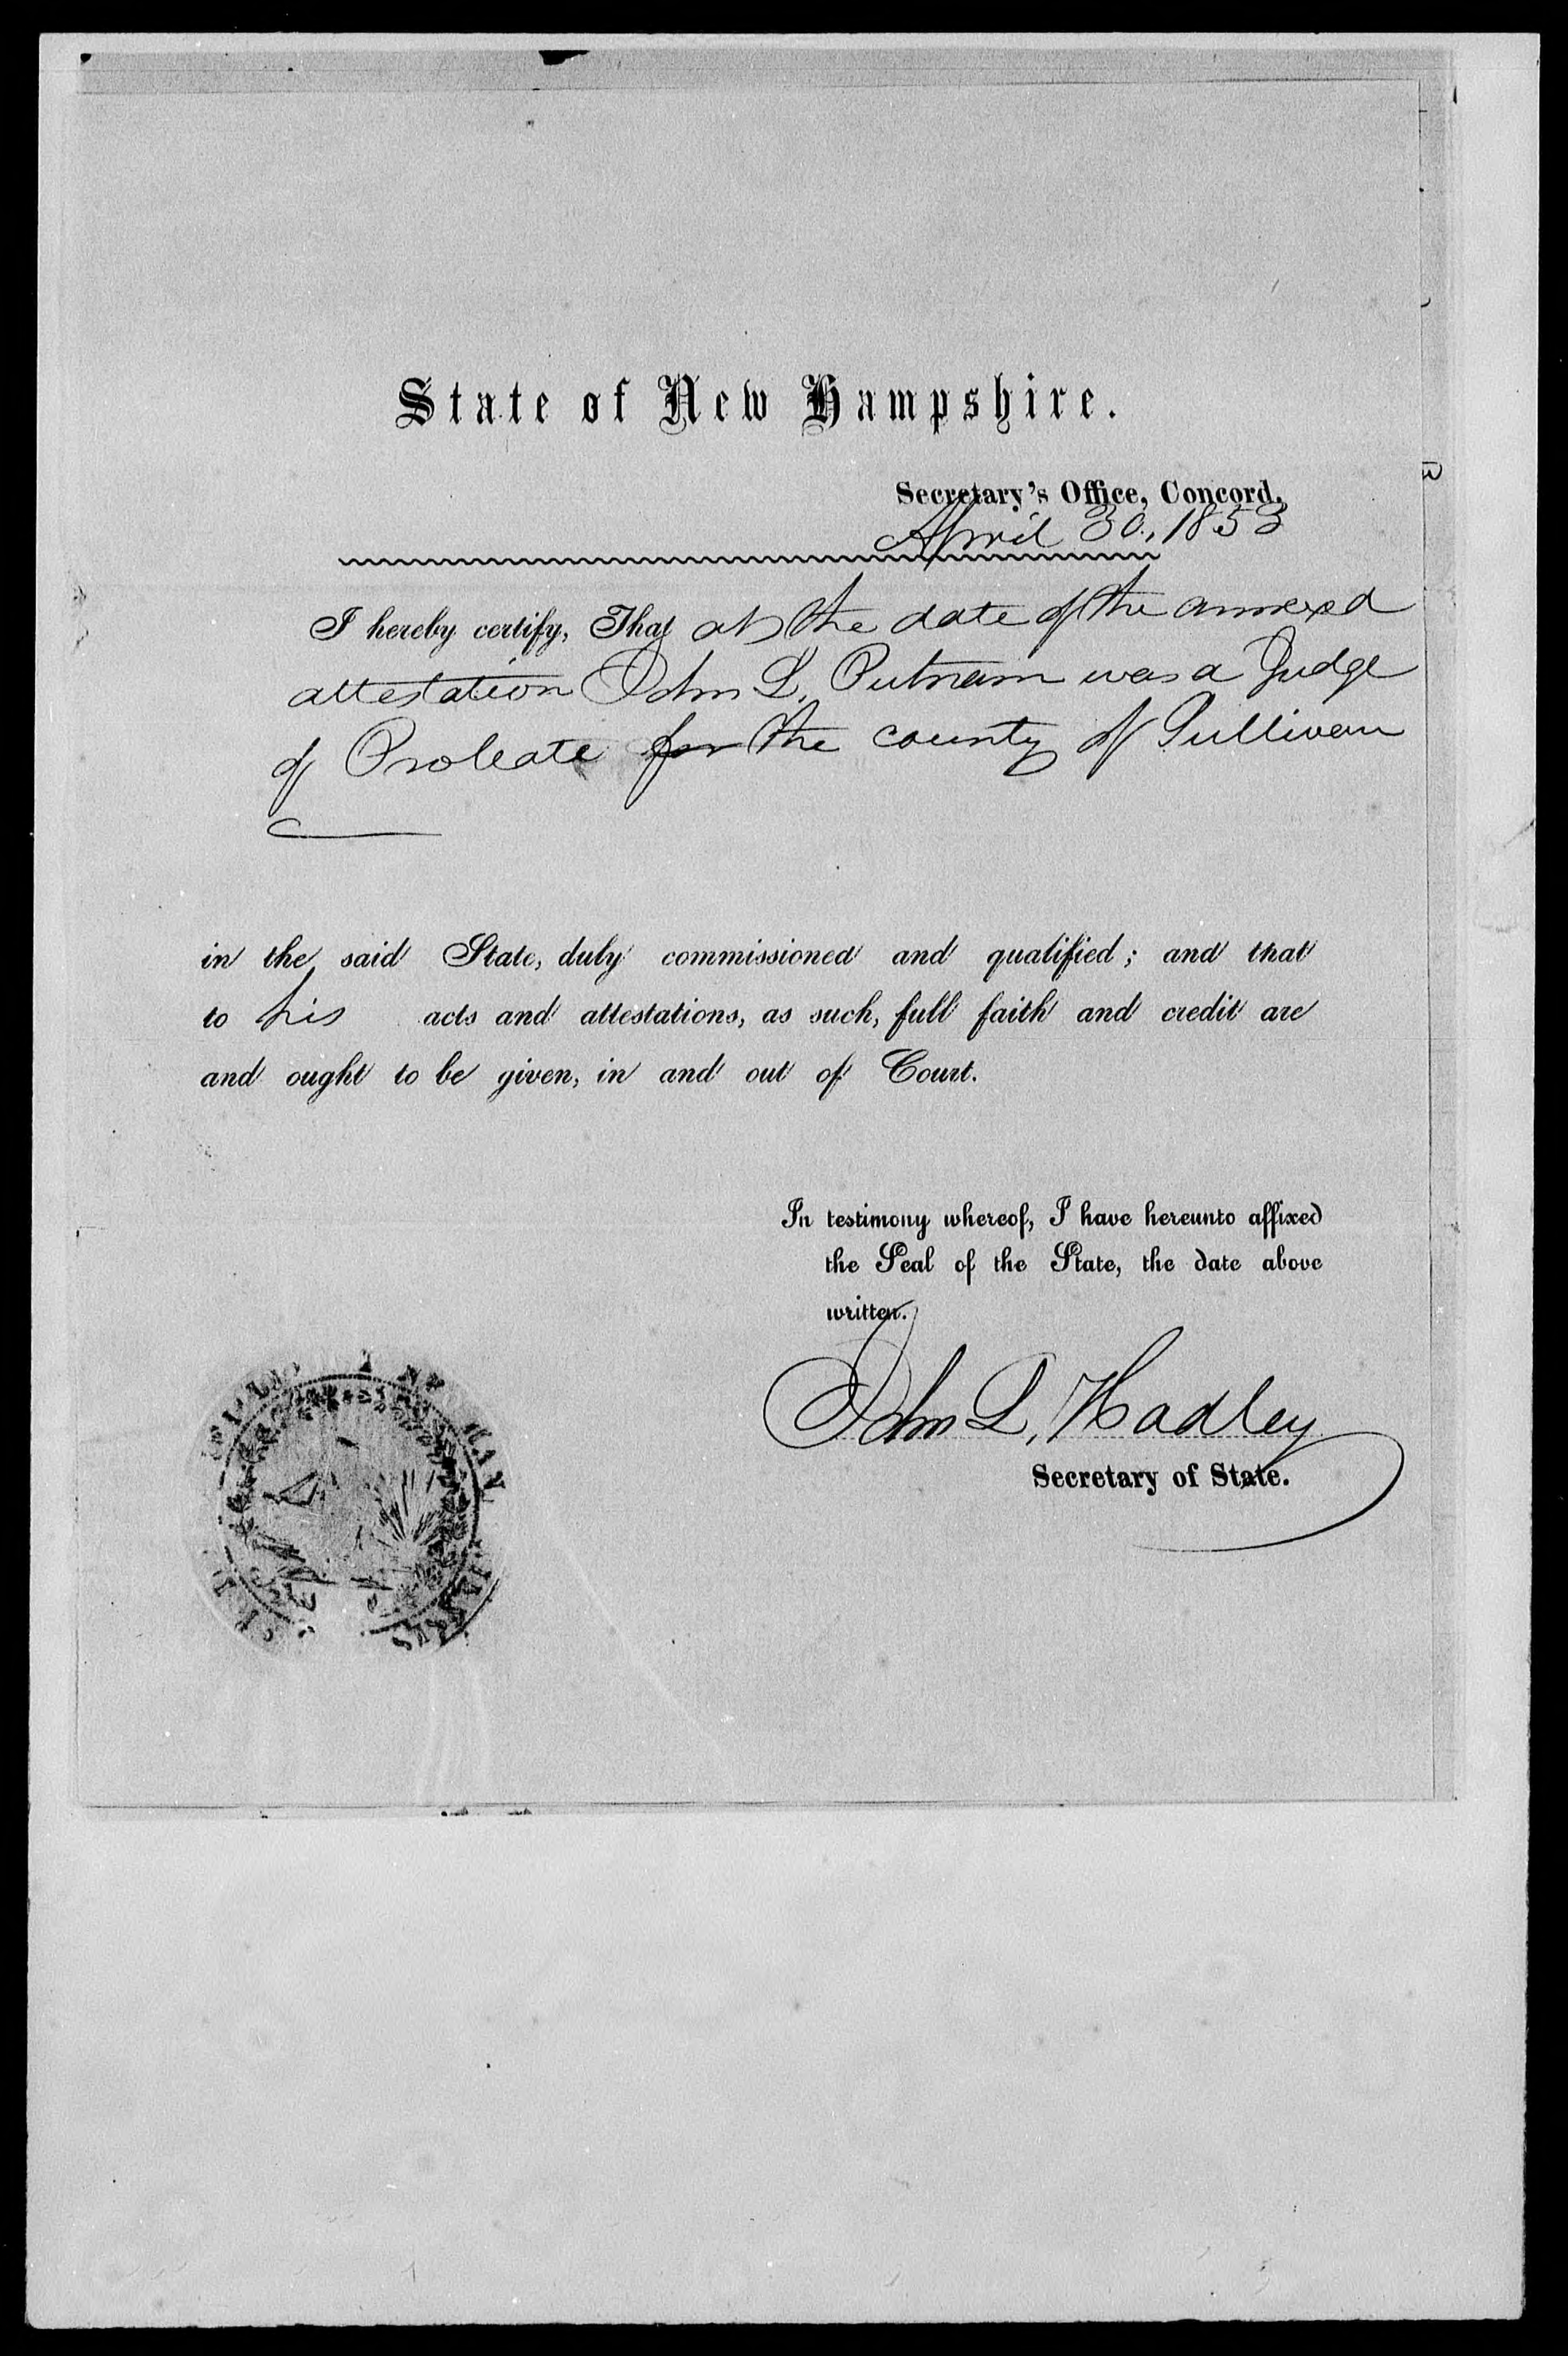State of New Hampshire
Secretary's Office, Concord,
April 30, 1853

I hereby certify, That at the date of the annexed
attestation John L Putnam was a Judge of Probate for the County of Sullivan
in the said State, duly commissioned and qualified; and that to his acts and attestations, as such, full faith and credit are and ought to be given, in and out of Court.

In testimony whereof, I have hereunto affixed
the Seal of the State, the date above written.
[signed] John L. Hadley
Secretary of State.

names: John L Putnam, John L Hadley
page: 9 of 43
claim: widow's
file: W 683, John Daniels, Continental Mass. N.H.